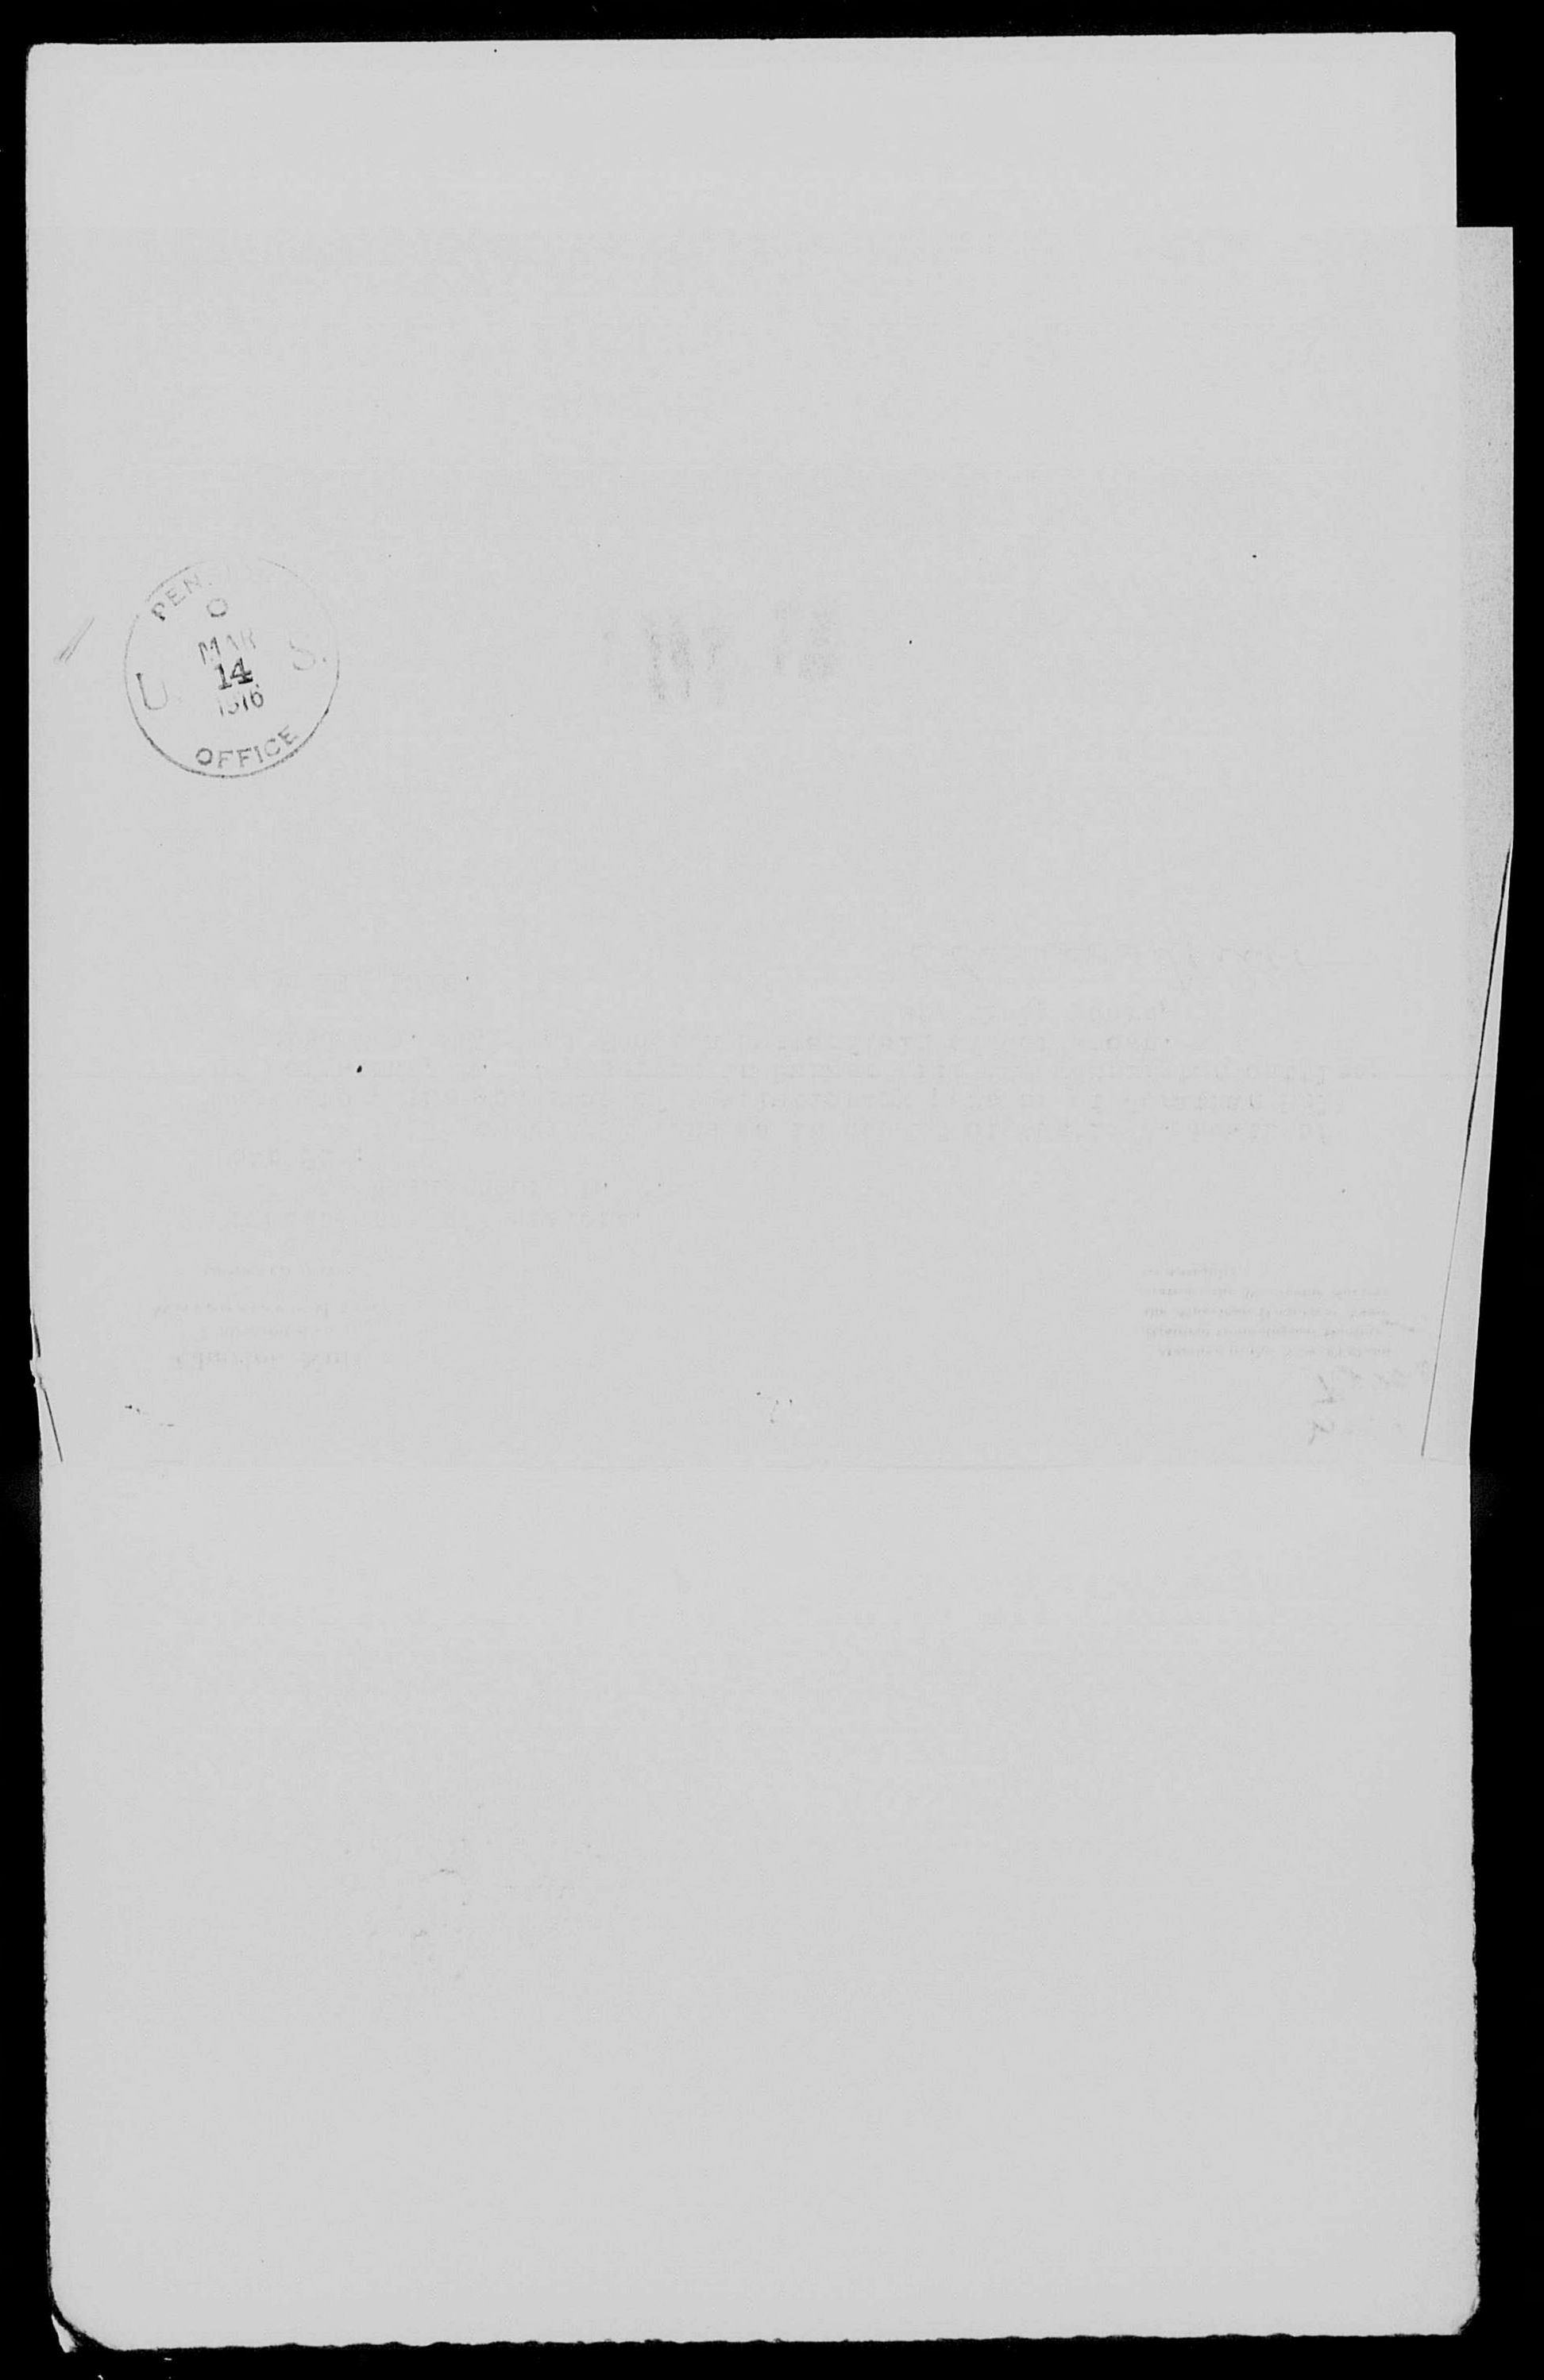[receipt stamp: U. S. PENSION OFFICE O MAR 14 1916]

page: 12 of 13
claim: survivor's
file: S. 12172, Jonathan Bell, N.H.